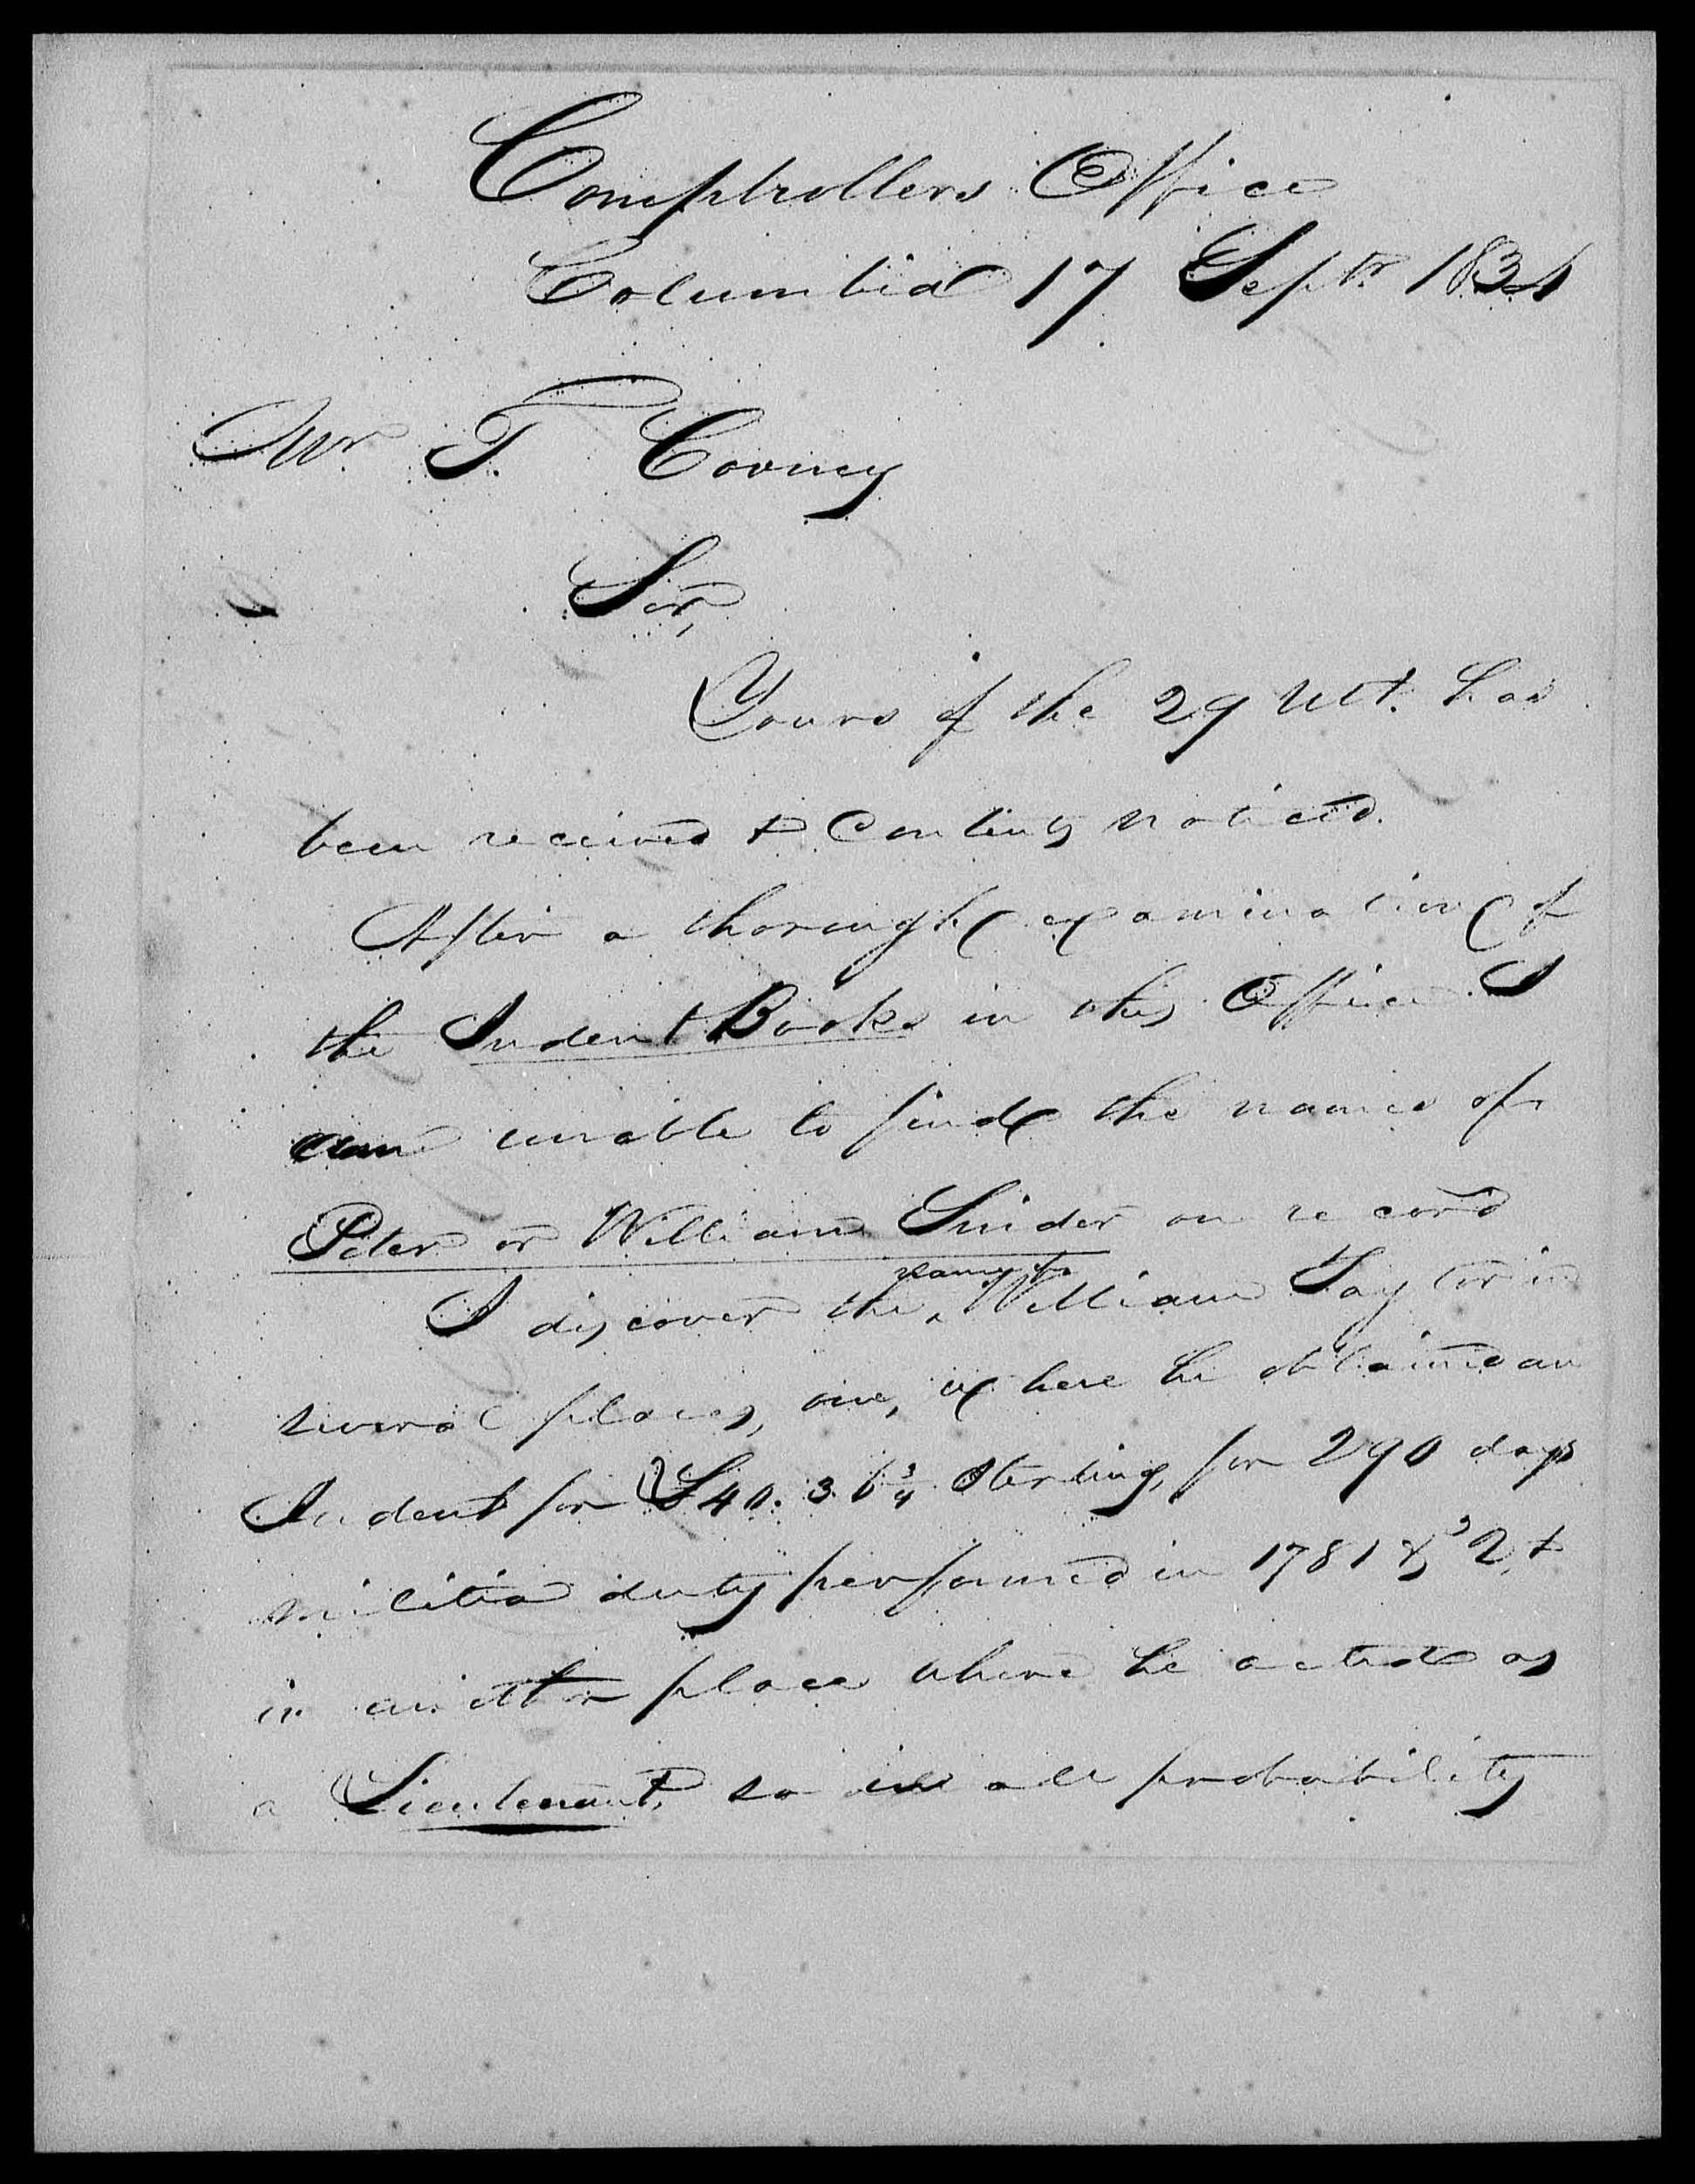Comptrollers Office
Columbia 17 Sept 1834

Mr. T. Cooney
Sir,
Yours of the 29 Oct. has been received P Cantinty noticed. After a thorough examination of the Indent Books in this Office, I am unable to find the names of Peter or William Snider on record. I discover the name of William Taylor in several places, [illegible], of here he obtained an Indent for L 40.3.6. 3/4 sterling for 290 days militia duty performed in 1781 & 82 & in another place where he acted as Lieutenant so in all probability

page: 31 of 33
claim: rejected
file: R 10439, for William Taylor, North Carolina